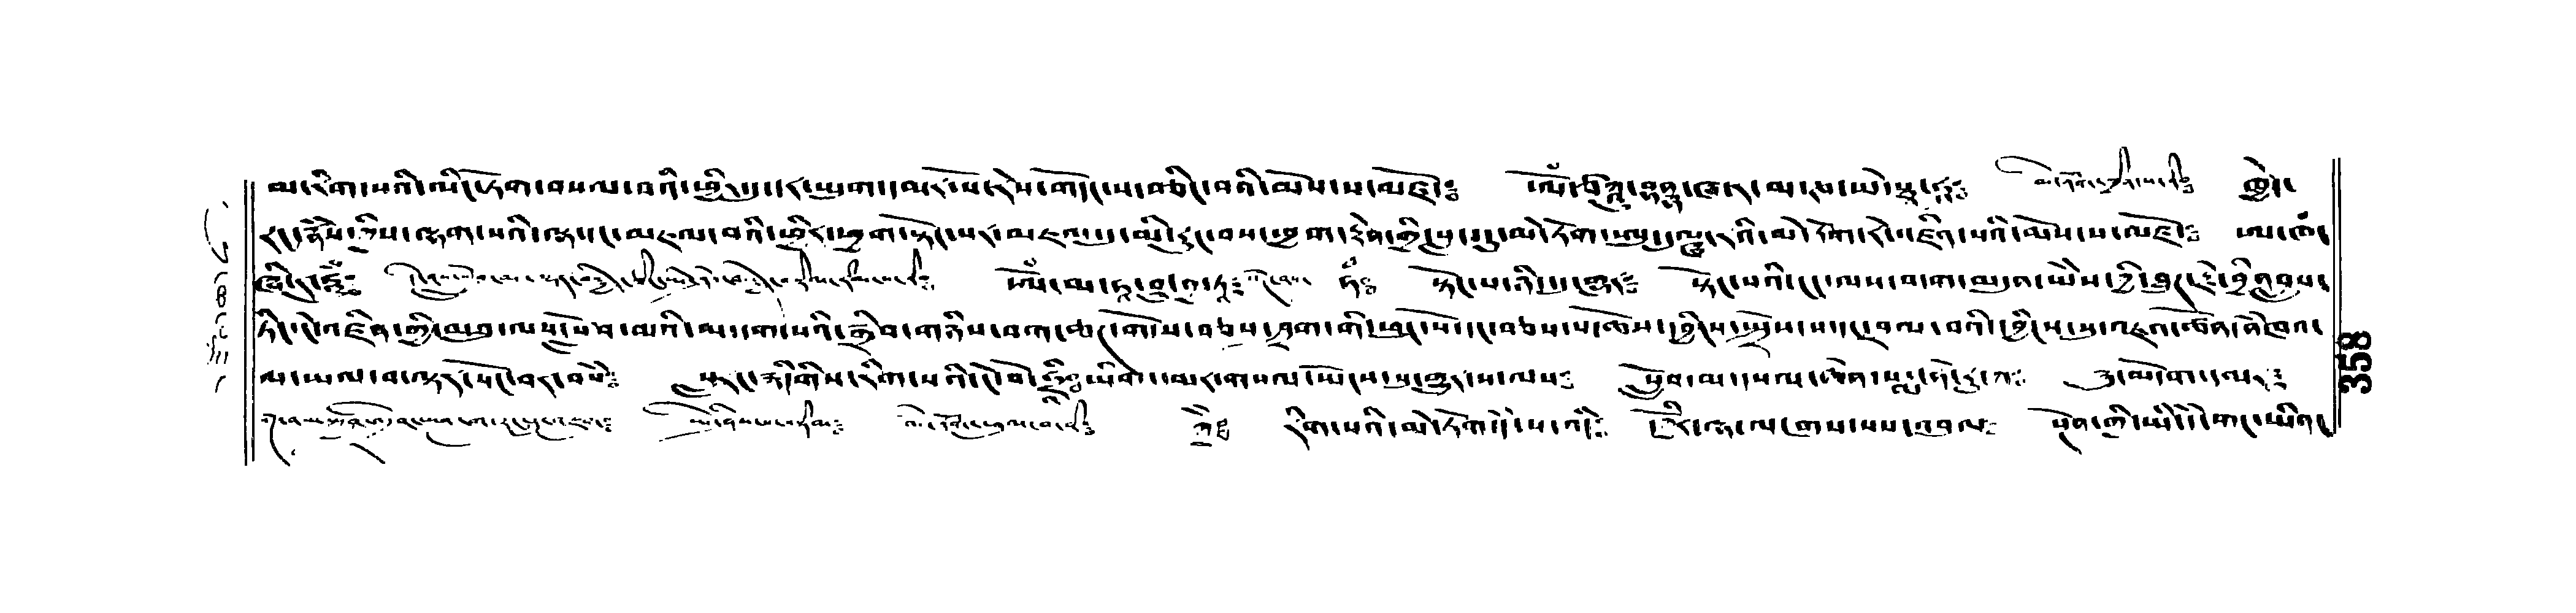མ་རིག་པའི་ལིང་ཏོག་བསལ་བའི་ཕྱིར་དུ་དར་ཡུག་དམར་པོ་རེས་གདོང་བཅིངས་བའི་མོས་པ་མཛོད༔ ཨོཾ་ཙཀྵུ་བྷནྡྷ་ཝ་ར་མ་ཎ་ཡེ་སྭཱ་ཧཱ༔ མེ་ཏོག་སྦྱིན་པ་ནི༔ ཁྱེད་
རང་རྣམས་ཀྱིས་ལྷག་པའི་ལྷ་དང་མཇལ་བའི་ཕྱིར་ཕྱག་སྟོང་པར་མཇལ་དུ་མི་རུང་བས་ཕྱག་རྟེན་གྱི་སླད་དུ་མེ་ཏོག་ཨུ་དུམ་ཝ་རའི་མེ་ཏོག་རེ་འཛིན་པའི་མོས་པ་མཛོད༔ ཨ་ཁཾ་
ཝི་ར་ཧཱུྃ༔ དེ་ནས་སློབ་མ་ལྷར་བསྐྱེད་ཅིང་ཡེ་ཤེས་བསྐྱེད་བསྟིམ་རིམ་པ་ནི༔ ཨོཾ་མ་ཧཱ་ཤུ་ནྱ་ཏཱ༴ སོགས་ནས༔ ཧཾཿ སྟོང་པ་ཉིད་དུ་གྱུར༔ སྟོང་པའི་ངང་ལས་བདག་མདུན་ཡེ་ཤེས་ཀྱི་ཐུགས་རྗེ་བྱིན་རླབས་
ཏིང་ངེ་འཛིན་གྱི་མཐུ་ལས་སློབ་མའི་མ་དག་པའི་སྒྲིབ་གཉིས་བག་ཆགས་གདོས་བཅས་ཤ་ཁྲག་གི་ཕུང་པོ་དང་བཅས་པ་ཆོས་དབྱིངས་སྤྲོས་པ་དང་བྲལ་བའི་དབྱིངས་སུ་འཇའ་ཚོན་ནམ་མཁའ་
ལ་ཡལ་བ་ལྟར་སོང་བར་བསམ༔ སླར་སྐད་ཅིག་གིས་རིག་པའི་ངོ་བོ་ཧྲཱིཿཡིག་དམར་གསལ་ཡོངས་སུ་གྱུར་པ་ལས༔ སློབ་མ་དཔལ་ཆེན་པདྨ་ཧེ་རུ་ཀཿ སྐུ་མདོག་དམར༴ 
སོགས་ནས་སྤྱན་འདྲེན་ཡན་གཞུང་དུ་འཇུག༔ ཡེ་ཤེས་པ་བསྟིམ༔ མེ་ཏོག་ཕུལ་བ་ནི༔ ཀྱཻ༔ རིག་པའི་མེ་ཏོག་དམ་པ་འདི༔ དཀྱིལ་འཁོར་ལྷ་ལ་གུས་པས་འབུལ༔ སྔོན་གྱི་ཡི་དམ་གང་ཡིན་